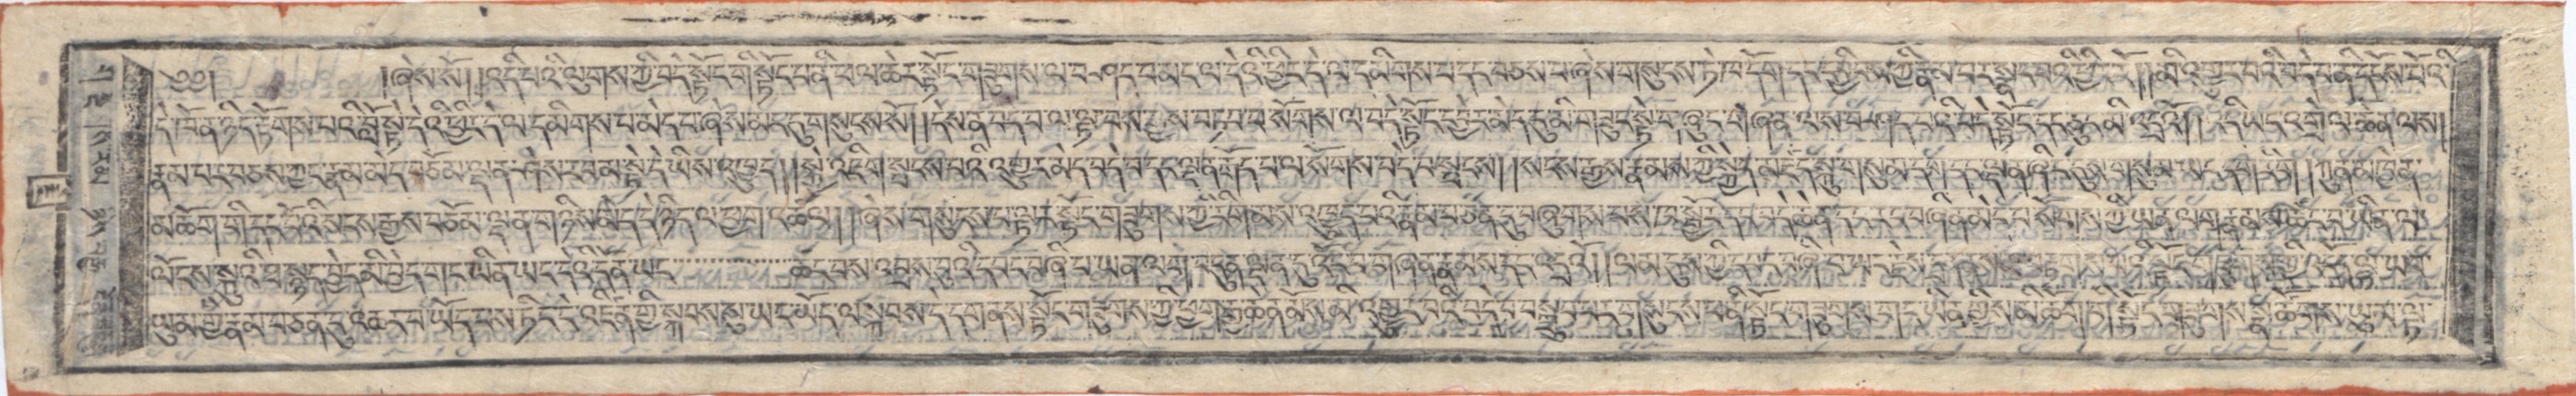༄༅། །ཞེས་སོ། །འདི་པའི་ལུགས་ཀྱི་བདེ་སྟོང་གི་སྟོང་པ་ནི་ཕལ་ཆེར་སྟོང་གཟུགས་ལ་བཤད་པ་མང་ལ་དེའི་ཕྱིར་དེ་ལ་དམིགས་པ་དང་བཅས་པ་ཞེས་གསུངས་ཏེ་ཁ་དོག་དང་དབྱིབས་ཀྱི་རྣམ་པར་སྣང་བའི་ཕྱིར་རོ། །མི་འགྱུར་བའི་བདེ་བ་ནི་དངོས་པོའི་
དེ་ཁོ་ན་ཉིད་རྟོགས་པའི་བློ་སྟེ་དེའི་ཕྱིར་དེ་ལ་དམིགས་པ་མེད་པ་ཞེས་མང་དུ་གསུངས་སོ། །དེས་ན་བདེ་བ་ལ་ལྟ་བས་རྒྱས་བཏབ་པ་སོགས་ལ་བདེ་སྟོང་དབྱེར་མེད་དུ་མི་གཟུང་སྟེ་གཞུང་གཞན་ལས་བཤད་པའི་བདེ་སྟོང་དང་ཅུང་མི་འདྲའོ། །འདི་ཡང་འགྲེལ་ཆེན་ལས།
རྣམ་པར་བཅས་ཀྱང་རྣམ་མེད་བཅོམ་ལྡན་ཤེས་རབ་མ་སྟེ་དེ་ཡིས་འཁྱུད། །སྐྱེ་འཇིག་སྤངས་པའི་འགྱུར་མེད་བདེ་བ་དང་ལྡན་རྒོད་པ་ལ་སོགས་བདེ་བ་སྤངས། །སངས་རྒྱས་རྣམས་ཀྱི་སྐྱེད་མཛད་སྐུ་གསུམ་དག་དང་ལྡན་ཞིང་དུས་གསུམ་ཡང་དག་རིག །ཀུན་མཁྱེན་
མཆོག་གི་དང་པོའི་སངས་རྒྱས་བཅོམ་ལྡན་གཉིས་མེད་དེ་ཉིད་ལ་ཕྱག་འཚལ། །ཞེས་གསུངས་པ་ལྟར་སྟོང་གཟུགས་ཀྱི་རིག་མས་འཁྱུད་པའི་རྣམ་པ་ཅན་དུ་བཞུགས་པས་ཁ་སྦྱོར་དང་བདེ་ཆེན་དང་རང་བཞིན་མེད་པ་སོགས་ཀྱི་ཡན་ལག་རྣམས་ཚང་བ་ཡིན་ལ་
ལོངས་སྐུའི་ཐ་སྙད་བྱེད་མི་བྱེད་གང་ཡིན་ཡང་དེའི་དོན་ཡང་ཚང་བས་འབྲས་བུའི་དབང་བཞི་པ་ཡན་ལག་བདུན་ལྡན་དུ་འོང་བ་གཞན་རྣམས་དང་འདྲའོ། །ལམ་དུས་ཀྱི་དབང་བཞི་པ་ཡང་རྗེས་དྲན་ནས་མ་བརྟགས་པའི་སྟོང་གཟུགས་ཀྱི་འདོད་ལྷ་ཡབ་
ཡུམ་གྱི་རྣམ་པ་ཅན་དུ་འཆར་བ་ཡོད་པས་ཏིང་ངེ་འཛིན་གྱི་སྐབས་སུ་ཡང་ཡོད་ལ་སྐབས་དེ་དག་ནས་སྟོང་གཟུགས་ཀྱི་ཕྱག་རྒྱ་ཆེན་མོས་མི་འགྱུར་བའི་བདེ་བ་བསྒྲུབ་པར་གསུངས་པ་ནི་སྟོང་གཟུགས་གང་ཡིན་གྱིས་མི་ཆོག་གི་སྟོང་གཟུགས་སྣ་ཚོགས་ཡུམ་ལྟ་